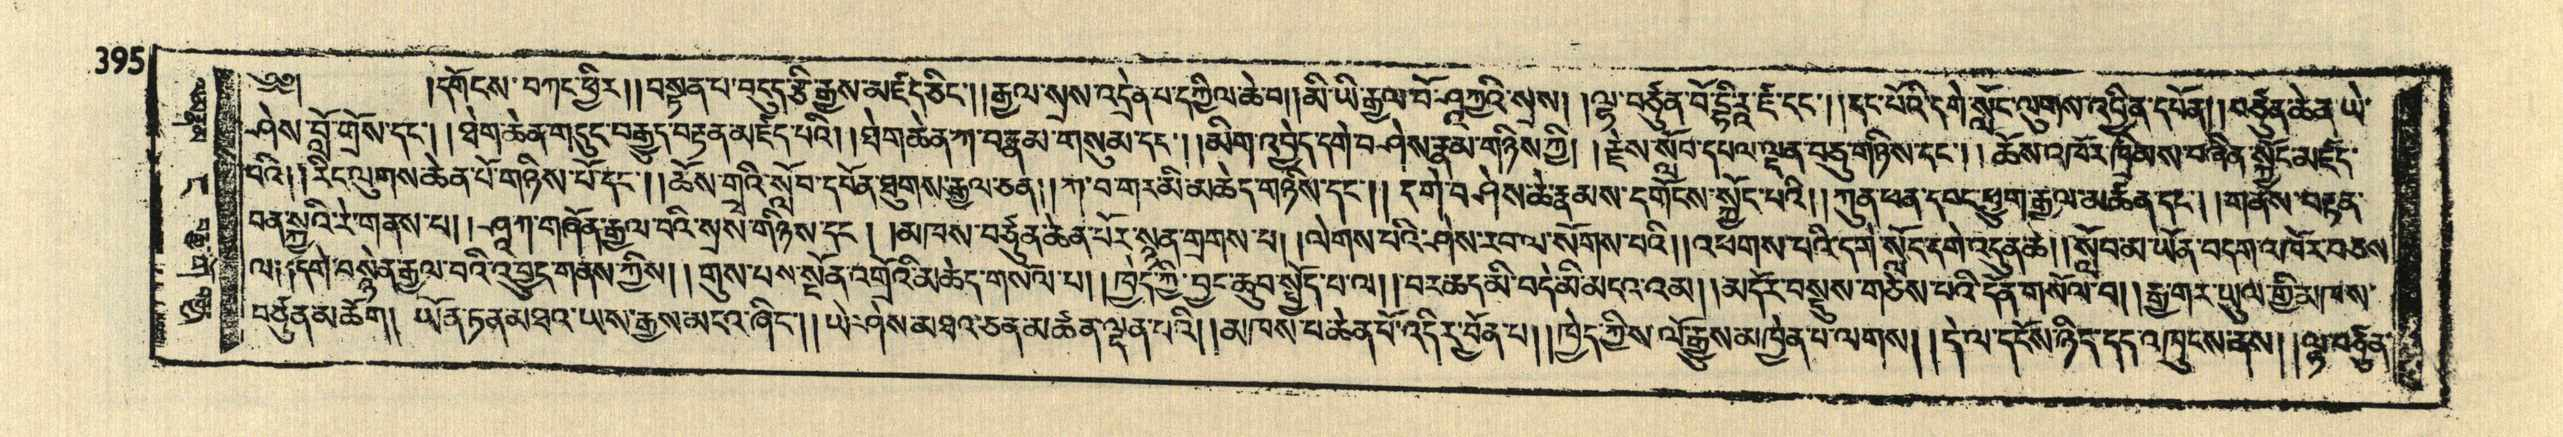༄༅། །དགོངས་བཀང་ཕྱིར། །བསྟན་པ་བདུད་རྩི་རྒྱས་མཛད་ཅིང་། །རྒྱལ་སྲས་འདྲེན་པ་དཀྱིལ་ཆེ་བ། །མི་ཡི་རྒྱལ་བོ་ཤཱཀྱའི་སྲས། །ལྷ་བཙུན་བོ་དྷི་རཱ་ཛ་དང་། །དང་པོའི་དགེ་སློང་ལུགས་འབྱིན་དཔོན། །བཙུན་ཆེན་ཡེ་
ཤེས་བློ་གྲོས་དང་། །ཐེག་ཆེན་གདུང་བརྒྱུད་བརྟན་མཛད་པའི། །ཐེག་ཆེན་ཀ་བ་རྣམ་གསུམ་དང་། །མིག་འབྱེད་དགེ་བཤེས་རྣམ་གཉིས་ཀྱི། །རྗེས་སློབ་དཔལ་ལྡན་བཅུ་གཉིས་དང་། །ཆོས་འཁོར་ཁྲིམས་བཞིན་སྐྱོང་མཛད་
པའི། །རིང་ལུགས་ཆེན་པོ་གཉིས་པོ་དང་། །ཆོས་གྲྭའི་སློབ་དཔོན་ཐུགས་རྒྱལ་ཅན། །ཀ་བ་གར་མི་མཆེད་གཉིས་དང་། །དགེ་བཤེས་ཆེ་རྣམས་དགོངས་སྐྱོང་པའི། །ཀུན་ཕན་དབང་ཕྱུག་རྒྱལ་མཚན་དང་། །གནས་བརྟན་
བན་སྐྱའི་རེ་གནས་པ། །ཤཱཀ་གཞོན་རྒྱལ་བའི་སྲས་གཉིས་དང་། །མཁས་པ་བཙུན་ཆེན་པོར་སྙན་གྲགས་པ། །ལེགས་པའི་ཤེས་རབ་ལ་སོགས་པའི། །འཕགས་པའི་དགེ་སློང་དགེ་འདུན་ཆེ། །སློབ་མ་ཡོན་བདག་འཁོར་བཅས་
ལ༑ ༑དགེ་བསྙེན་རྒྱལ་བའི་འབྱུང་གནས་ཀྱིས། །གུས་པས་སྔོན་འགྲོའི་མཆེད་གསོལ་པ། །ཁྱེད་ཀྱི་བྱང་ཆུབ་སྤྱོད་པ་ལ། །བར་ཆད་མི་བདེ་མི་མངའ་འམ། །མདོར་བསྡུས་གཅེས་པའི་དོན་གསོལ་བ། །རྒྱ་གར་ཡུལ་གྱི་མཁས་
བཙུན་མཆོག། ཡོན་ཏན་མཐའ་ཡས་རྒྱས་མངའ་ཞིང་། །ཡེ་ཤེས་མཐའ་ཅན་མཚན་ལྡན་པའི། །མཁས་པ་ཆེན་པོ་འདིར་བྱོན་པ། །ཁྱེད་ཀྱིས་ལོ་རྒྱུས་མཁྱེན་པ་ལགས། །དེ་ལ་དངོས་ཉིད་དད་འཁྲུངས་ནས། །ལྷ་བཙུན་